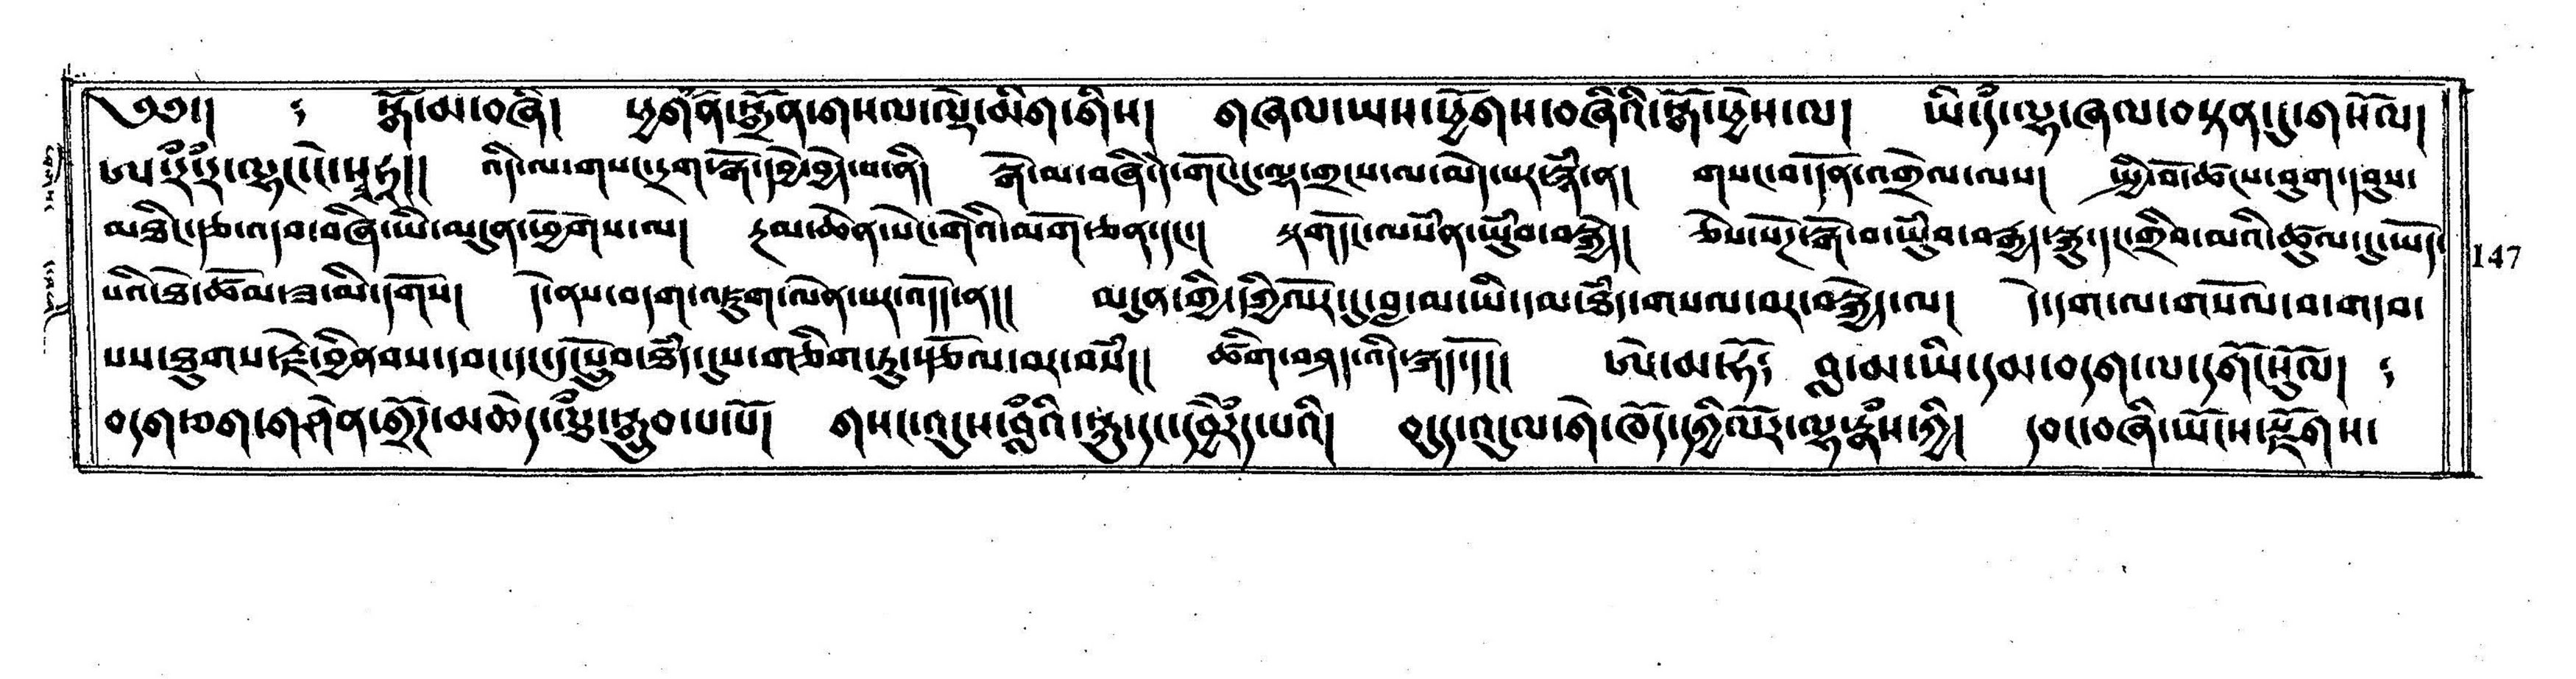སྒོ་མ་བཞི། ཕྱག་མཚན་སྒྲོན་གསལ་ལྡེ་མིག་གིས། གཞལ་ཡས་ཕྱོགས་བཞིའི་སྒོ་ཕྱེས་ལ། ཡི་དམ་ལྷ་ཞལ་བསྟན་དུ་གསོལ། 
ཨ་རཾ་རཾ་ལྷང་ངེ་སྭཱཧཱ།། འདི་ལ་གསང་དྲག་སྒོ་དབྱེ་བྱེད་པ་ནི། སྒོ་མ་བཞི་དེ་གོང་དུ་ལྷ་གྲངས་ལ་མེད་པར་སྙམ་ན། གསང་བ་དོན་འགྲེལ་ལས། སྤྱི་བོ་ཚངས་བུག་དབུས་
མཐིང་རྩ་འདབ་བཞི་ཡི་མདུན་ཕྱོགས་ལ། རྔམ་ཆེན་སེང་གེའི་མགོ་ཅན་དང་། སྟག་གདོང་ལས་མཁན་ཡབ་ཡུམ་བསྐྱེད། ཅེས་སོགས་སྒོ་བ་ཡབ་ཡུམ་བརྒྱད་སྐུ་དང་གྲིབ་མའི་ཚུལ་དུ་ཡོད་
པའི་ཐེ་ཚོམ་ཟ་མི་དགོས། དེ་ནས་བདག་འཇུག་ལེན་པར་འདོད་ན།། མདུན་གྱི་དཀྱིལ་འཁོར་དུ་བླ་མ་ཡི་དམ་ཐམས་ཅད་གསལ་བར་བསྐྱེད་ལ། དེ་དག་ལ་གསོལ་བ་གདབ་
པས་ཐུགས་རྗེ་བྱིན་རླབས་དབང་དང་དངོས་གྲུབ་ཐམས་ཅད་དུས་གཅིག་ཏུ་སྩོལ་བར་བསམ།། ཚིག་བཤད་འདི་སྐད་དོ།། ཨེ་མ་ཧོ བླ་མ་ཡི་དམ་བདག་ལ་དགོངས་སུ་གསོལ། 
བདག་ཅག་གཤེན་གྲོགས་མཆེད་ལྕམ་སྒྲུབ་པ་པོ། གསང་འདུས་བླ་མའི་སྐུ་དང་དབྱེར་མེད་པའི། བདུད་འདུལ་གེ་ཁོད་དཀྱིལ་འཁོར་ལྷ་རྣམས་ཀྱི། དབང་བཞི་ཡོངས་རྫོགས་